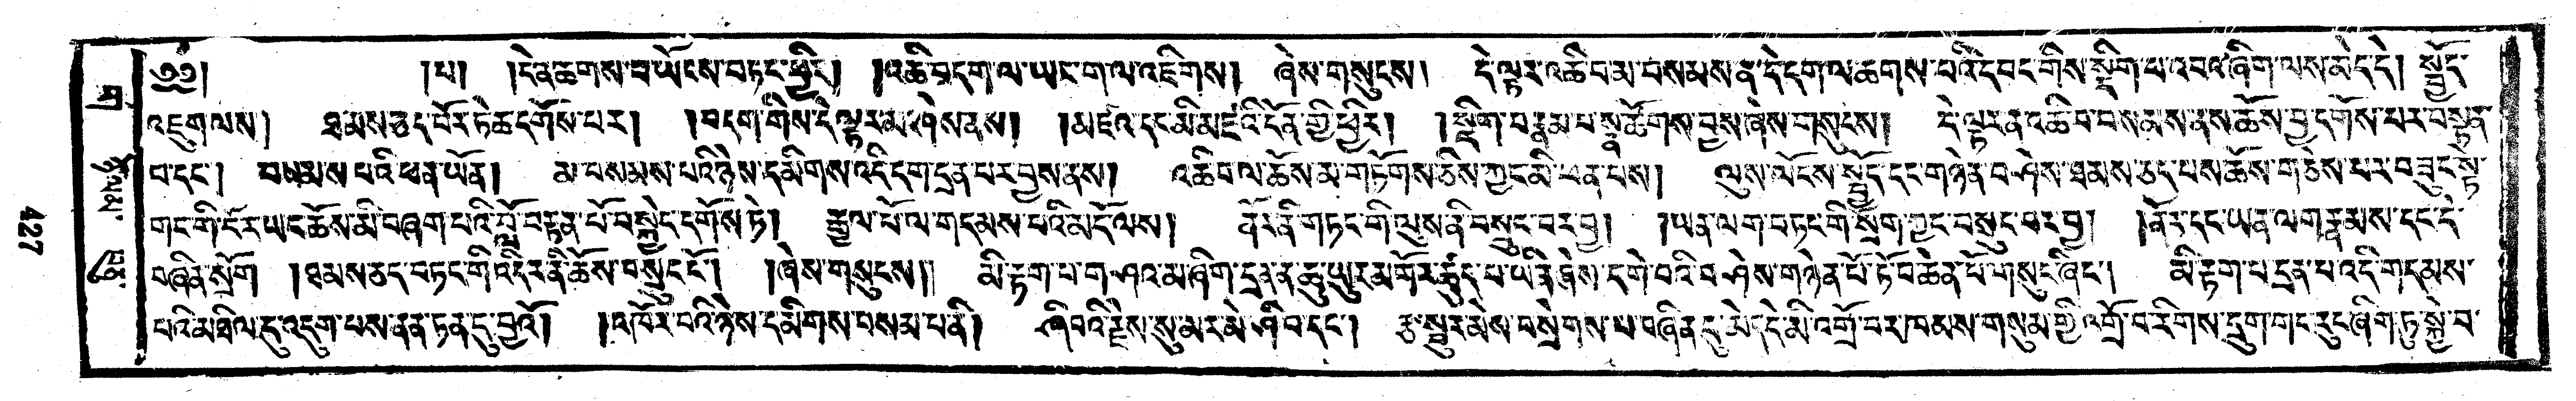༄༅། །པ། །དེ་ན་ཆགས་པ་ཡོངས་བཏང་ཕྱིར། །འཆི་བདག་ལ་ཡང་ག་ལ་འཇིགས། ཞེས་གསུངས། དེ་ལྟར་འཆི་བ་མ་བསམས་ན་དེ་དག་ལ་ཆགས་པའི་དབང་གིས་སྡིག་པ་འབའ་ཞིག་ལས་མེད་དེ། སྦྱོད་
འཇུག་ལས། ཐམས་ཅད་པོར་ཏེ་ཆ་དགོས་པར། །བདག་གིས་དེ་ལྟར་མ་ཤེས་ནས། །མཛའ་དང་མི་མཛའི་དོན་གྱི་ཕྱིར། །སྡིག་བ་རྣམ་པ་སྣ་ཚོགས་བྱས་ཞེས་གསུངས། དེ་ལྟར་ན་འཆི་བ་བསམས་ནས་ཆོས་བྱ་དགོས་པར་བསྟན་
པ་དང་། བསམས་པའི་ཕན་ཡོན། མ་བསམས་པའི་ཉེས་དམིགས་འདི་དག་དྲན་པར་བྱས་ནས། འཆི་བ་ལ་ཆོས་མ་གཏོགས་ཅིས་ཀྱང་མི་ཕན་པས། ལུས་ལོངས་སྤྱོད་དང་གཉེན་བཤེས་ཐམས་ཅད་པས་ཆོས་གཅེས་པར་བཟུང་སྟེ་
གང་གི་ངོར་ཡང་ཆོས་མི་བཞག་པའི་བློ་བརྟན་པོ་བསྐྱེད་དགོས་ཏེ། རྒྱལ་པོ་ལ་གདམས་པའི་མདོ་ལས། ནོར་ནི་གཏང་གི་ལུས་ནི་བསྲུང་བར་བྱ། །ཡན་ལག་བཏང་གི་སྲོག་ཀྱང་བསྲུང་བར་བྱ། །ནོར་དང་ཡན་ལག་རྣམས་དང་དེ་
བཞིན་སྲོག །ཐམས་ཅད་བཏང་གི་འདིར་ན་ཆོས་བསྲུང་ངོ། །ཞེས་གསུངས། །མི་རྟག་པ་གཤའ་མ་ཞིག་དྲན་ན་ཆུ་ཡུར་མགོར་ཚུད་པ་ཡིན་ཞེས་དགེ་བའི་བཤེས་གཉེན་པོ་ཏོ་བ་ཆེན་པོ་གསུང་ཞིང་། མི་རྟག་པ་དྲན་པ་འདི་གདམས་
པའི་མཐིལ་དུ་འདུག་པས་ནན་ཏན་དུ་བྱའོ། །འཁོར་བའི་ཉེས་དམིགས་བསམ་པ་ནི། ཤི་བའི་རྗེས་སུ་མར་མེ་ཤི་བ་དང་། རྩ་སྦུར་མེས་བསྲེགས་པ་བཞིན་དུ་མེད་དེ་མི་འགྲོ་བར་ཁམས་གསུམ་གྱི་འགྲོ་བ་རིགས་དྲུག་གང་རུང་ཞིག་ཏུ་སྐྱེ་བ་